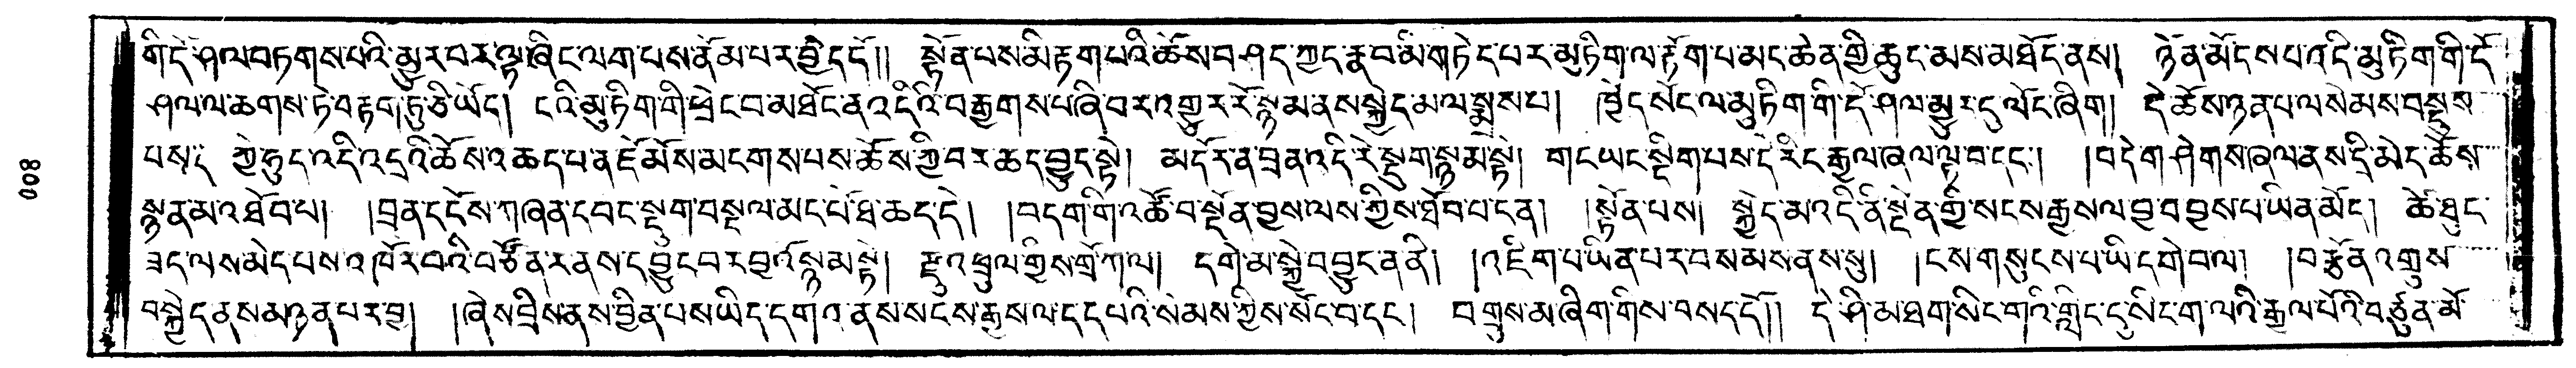གི་དོ་ཤལ་བཏགས་པའི་མྱུར་བར་ལྟ་ཞིང་ལག་པས་ནོམ་པར་བྱེད་དོ།། སྟོན་པས་མི་རྟག་པའི་ཆོས་བཤད་ཀྱང་རྣ་བ་མི་གཏེད་པར་མུ་ཏིག་ལ་རྟོག་པ་མང་ཆེན་གྱི་ཆུང་མས་མཐོང་ནས། ཉོན་མོངས་པ་འདི་མུ་ཏིག་གི་དོ་
ཤལ་ལ་ཆགས་ཏེ་བརྟག་ཏུ་ཅི་ཡོད། ངའི་མུ་ཏིག་གི་ཕྲེང་བ་མཐོང་ན་འདིའི་བརྒྱགས་པ་ཞི་བར་འགྱུར་རོ་སྙམ་ནས་སྐྱེད་མ་ལ་སྨྲས་པ། ཁྱོད་སོང་ལ་མུ་ཏིག་གི་དོ་ཤལ་མྱུར་དུ་ལོང་ཞིག། དེ་ཆོས་ཉན་པ་ལ་སེམས་བསྡུས་
པས༑ ཀྱེ་ཧུད་འདི་འདྲའི་ཆོས་འཆད་པ་ན་ཇོ་མོས་མངགས་པས་ཆོས་ཀྱི་བར་ཆད་བྱུང་སྟེ། མདོར་ན་བྲན་འདི་རེ་སྡུག་སྙམ་སྟེ། གང་ཡང་སྡིག་པས་དེ་རིང་རྒྱལ་ཞལ་ལྟ་བ་དང་། །བདེ་གཤེགས་ཞལ་ནས་དྲི་མེད་ཆོས་
སྙན་མ་འཐོབ་པ། །བྲན་དངོས་གཞན་དབང་སྡུག་བསྔལ་མང་པོ་ཐ་ཆད་དེ། །བདག་གི་འཚོ་བ་སྔོན་བྱས་ལས་ཀྱིས་ཐོབ་པ་ངན། །སྟོན་པས། སྐྱེད་མ་འདི་ནི་སྔོན་གྱི་སངས་རྒྱས་ལ་བྱ་བ་བྱས་པ་ཡིན་མོད། ཚེ་ཐུང་
ཟད་ལས་མེད་པས་འཁོར་བའི་བཙོན་ར་ནས་དབྱུང་བར་བྱའོ་སྙམ་སྟེ། རྫུ་འཕྲུལ་གྱིས་གྲོ་ཀ་ལ། དགེ་མ་སྐྱེ་བ་བྱུང་ན་ནི། །འཇིག་པ་ཡིན་པར་བསམས་ནས་སུ། །ངས་གསུངས་པ་ཡི་དགེ་བ་ལ། །བརྩོན་འགྲུས་
བསྐྱེད་ནས་མཉན་པར་བྱ། །ཞེས་བྲིས་ནས་བྱིན་པས་ཡིད་དགའ་ནས་སངས་རྒྱས་ལ་དད་པའི་སེམས་ཀྱིས་སོང་བ་དང་། བགྲུས་མ་ཞིག་གིས་བསད་དོ།། དེ་ཤི་མ་ཐག་སིང་གའི་གླིང་དུ་སིང་ག་ལའི་རྒྱལ་པོའི་བཙུན་མོ་